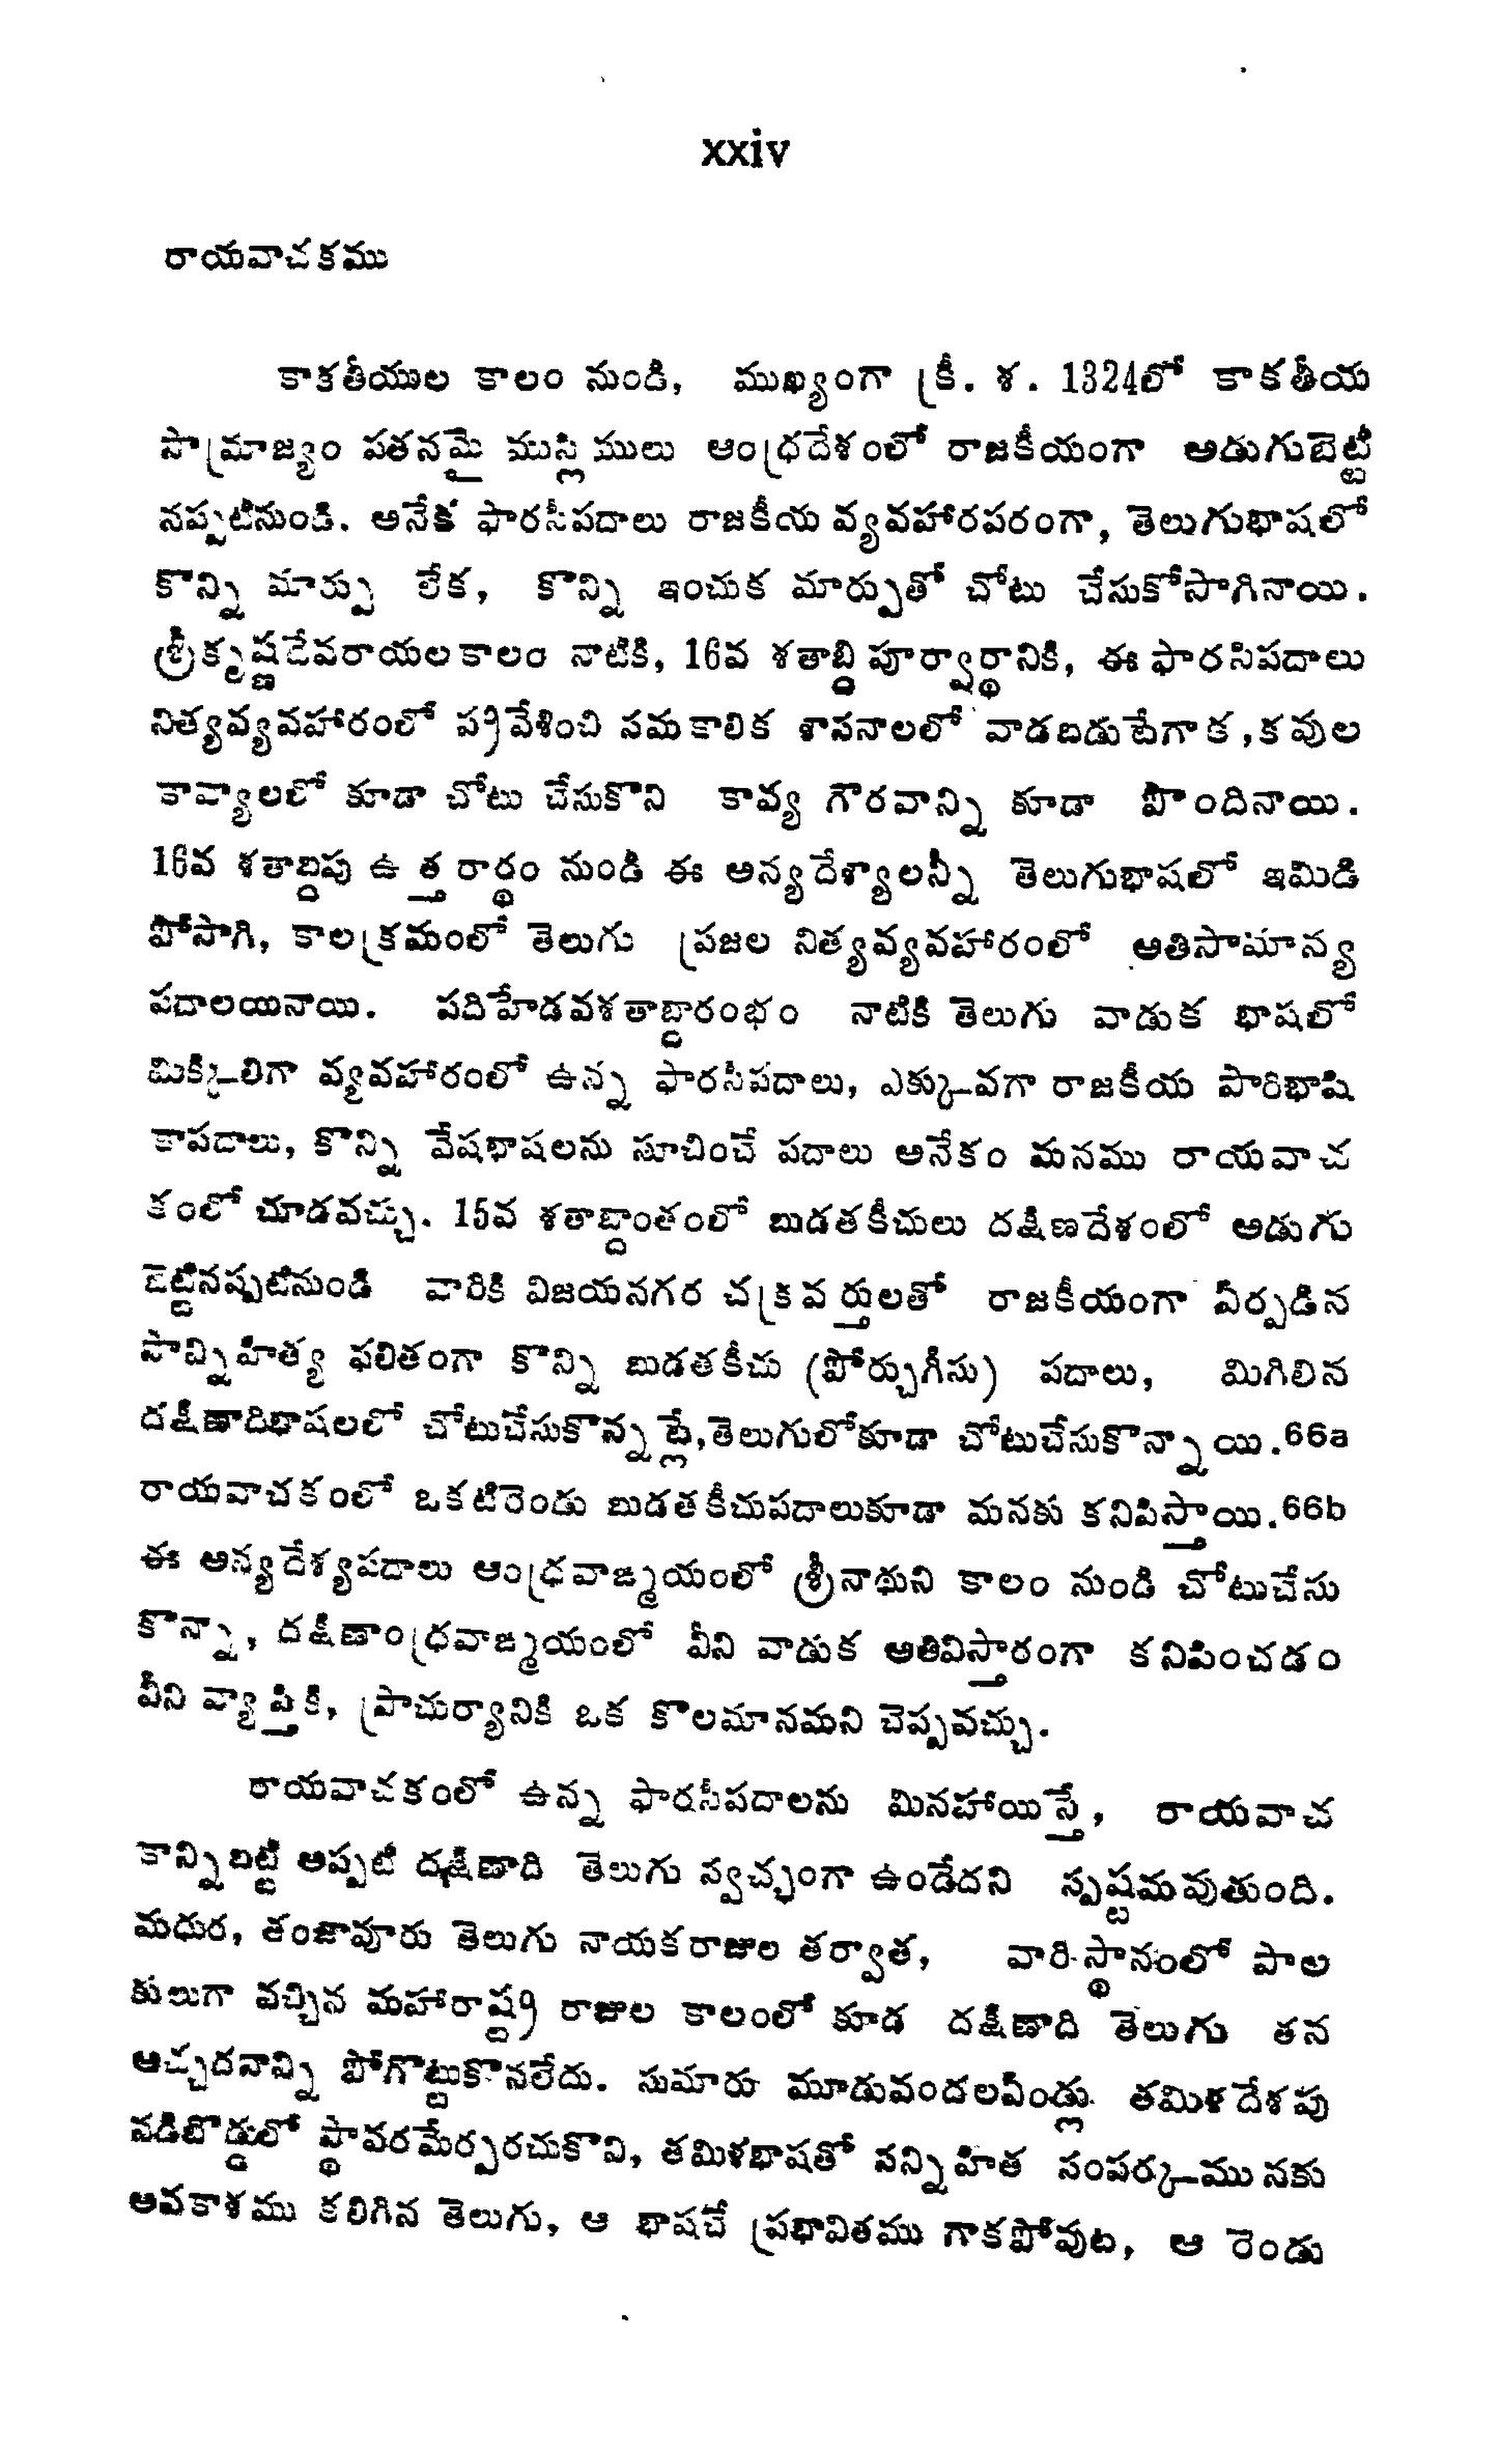కాకతీయుల కాలం నుండి, ముఖ్యంగా క్రీ. శ. 1324లో కాకతీయసామ్రాజ్యం పతనమై ముస్లిములు ఆంధ్రదేశంలో రాజకీయంగా అడుగుబెట్టి నప్పటినుండి అనేక ఫారసీపదాలు రాజకీయ వ్యవహారపరంగా, తెలుగుభాషలో కొన్ని మార్పు లేక, కొన్ని ఇంచుక మార్పుతో చోటు చేసుకోసాగినాయి. శ్రీకృష్ణదేవరాయల కాలం నాటికి, 16వ శతాబ్ది పూర్వార్థానికి, ఈ ఫారసిపదాలు నిత్యవ్యవహారంలో ప్రవేశించి సమకాలిక శాసనాలలో వాడబడుటేగాక, కవుల కావ్యాలలో కూడా చోటు చేసుకొని కావ్యగౌరవాన్ని కూడా పొందినాయి. 16వ శతాబ్దపు ఉత్తరార్థం నుండి ఈ అన్యదేశ్యాలన్నీ తెలుగుభాషలో ఇమిడి పోసాగి, కాలక్రమంలో తెలుగు ప్రజల నిత్యవ్యవహారంలో అతిసామాన్య పదాలయినాయి. పదిహేడవశతాబ్దారంభం నాటికి తెలుగు వాడుక భాషలో మిక్కిలిగా వ్యవహారంలో ఉన్న ఫారసీపదాలు, ఎక్కువగా రాజకీయ పారిభాషికాపదాలు, కొన్ని వేషభాషలను సూచించే పదాలు అనేకం మనము రాయవాచకంలో చూడవచ్చు. 15వ శతాబ్దాంతంలో బుడతకీచులు దక్షిణదేశంలో అడుగుబెట్టి నప్పటినుండి వారికి విజయనగర చక్రవర్తులతో రాజకీయంగా ఏర్పడిన సాన్నిహిత్యఫలితంగా కొన్ని బుడతకీచు (పోర్చుగీసు) పదాలు, మిగిలిన దక్షిణాదిభాషలలో చోటుచేసుకొన్నట్లే, తెలుగులో కూడా చోటుచేసుకొన్నాయి. రాయవాచకంలో ఒకటిరెండు బుడతకీచుపదాలుకూడా మనకు కనిపిస్తాయి. ఈ అన్యదేశ్యపదాలు ఆంధ్రవాఙ్మయంలో శ్రీనాథుని కాలం నుండి చోటుచేసుకొన్నా, దక్షిణాంధ్రవాఙ్మయంలో వీని వాడుక అతివిస్తారంగా కనిపించడం వీని వ్యాప్తికి, ప్రాచుర్యానికి ఒక కొలమానమని చెప్పవచ్చు.

రాయవాచకంలో ఉన్న ఫారసీపదాలను మినహాయిస్తే, రాయవాచకాన్నిబట్టి అప్పటి దక్షిణాది తెలుగు స్వచ్ఛంగా ఉండేదని స్పష్టమవుతుంది. మధుర, తంజావూరు తెలుగు నాయకరాజుల తర్వాత, వారి స్థానంలో పాలకులుగా వచ్చిన మహారాష్ట్ర రాజుల కాలంలో కూడ దక్షిణాది తెలుగు తన ఆచ్చదనాన్ని పోగొట్టుకొనలేదు. సుమారు మూడువందల ఏండ్లు తమిళదేశపునడిబొడ్డులో స్థావరమేర్పరచుకొని, తమిళభాషతో సన్నిహితసంపర్కమునకు అవకాశము కలిగిన తెలుగు, ఆ భాషచే ప్రభావితము గాకపోవుట, ఆ రెండు